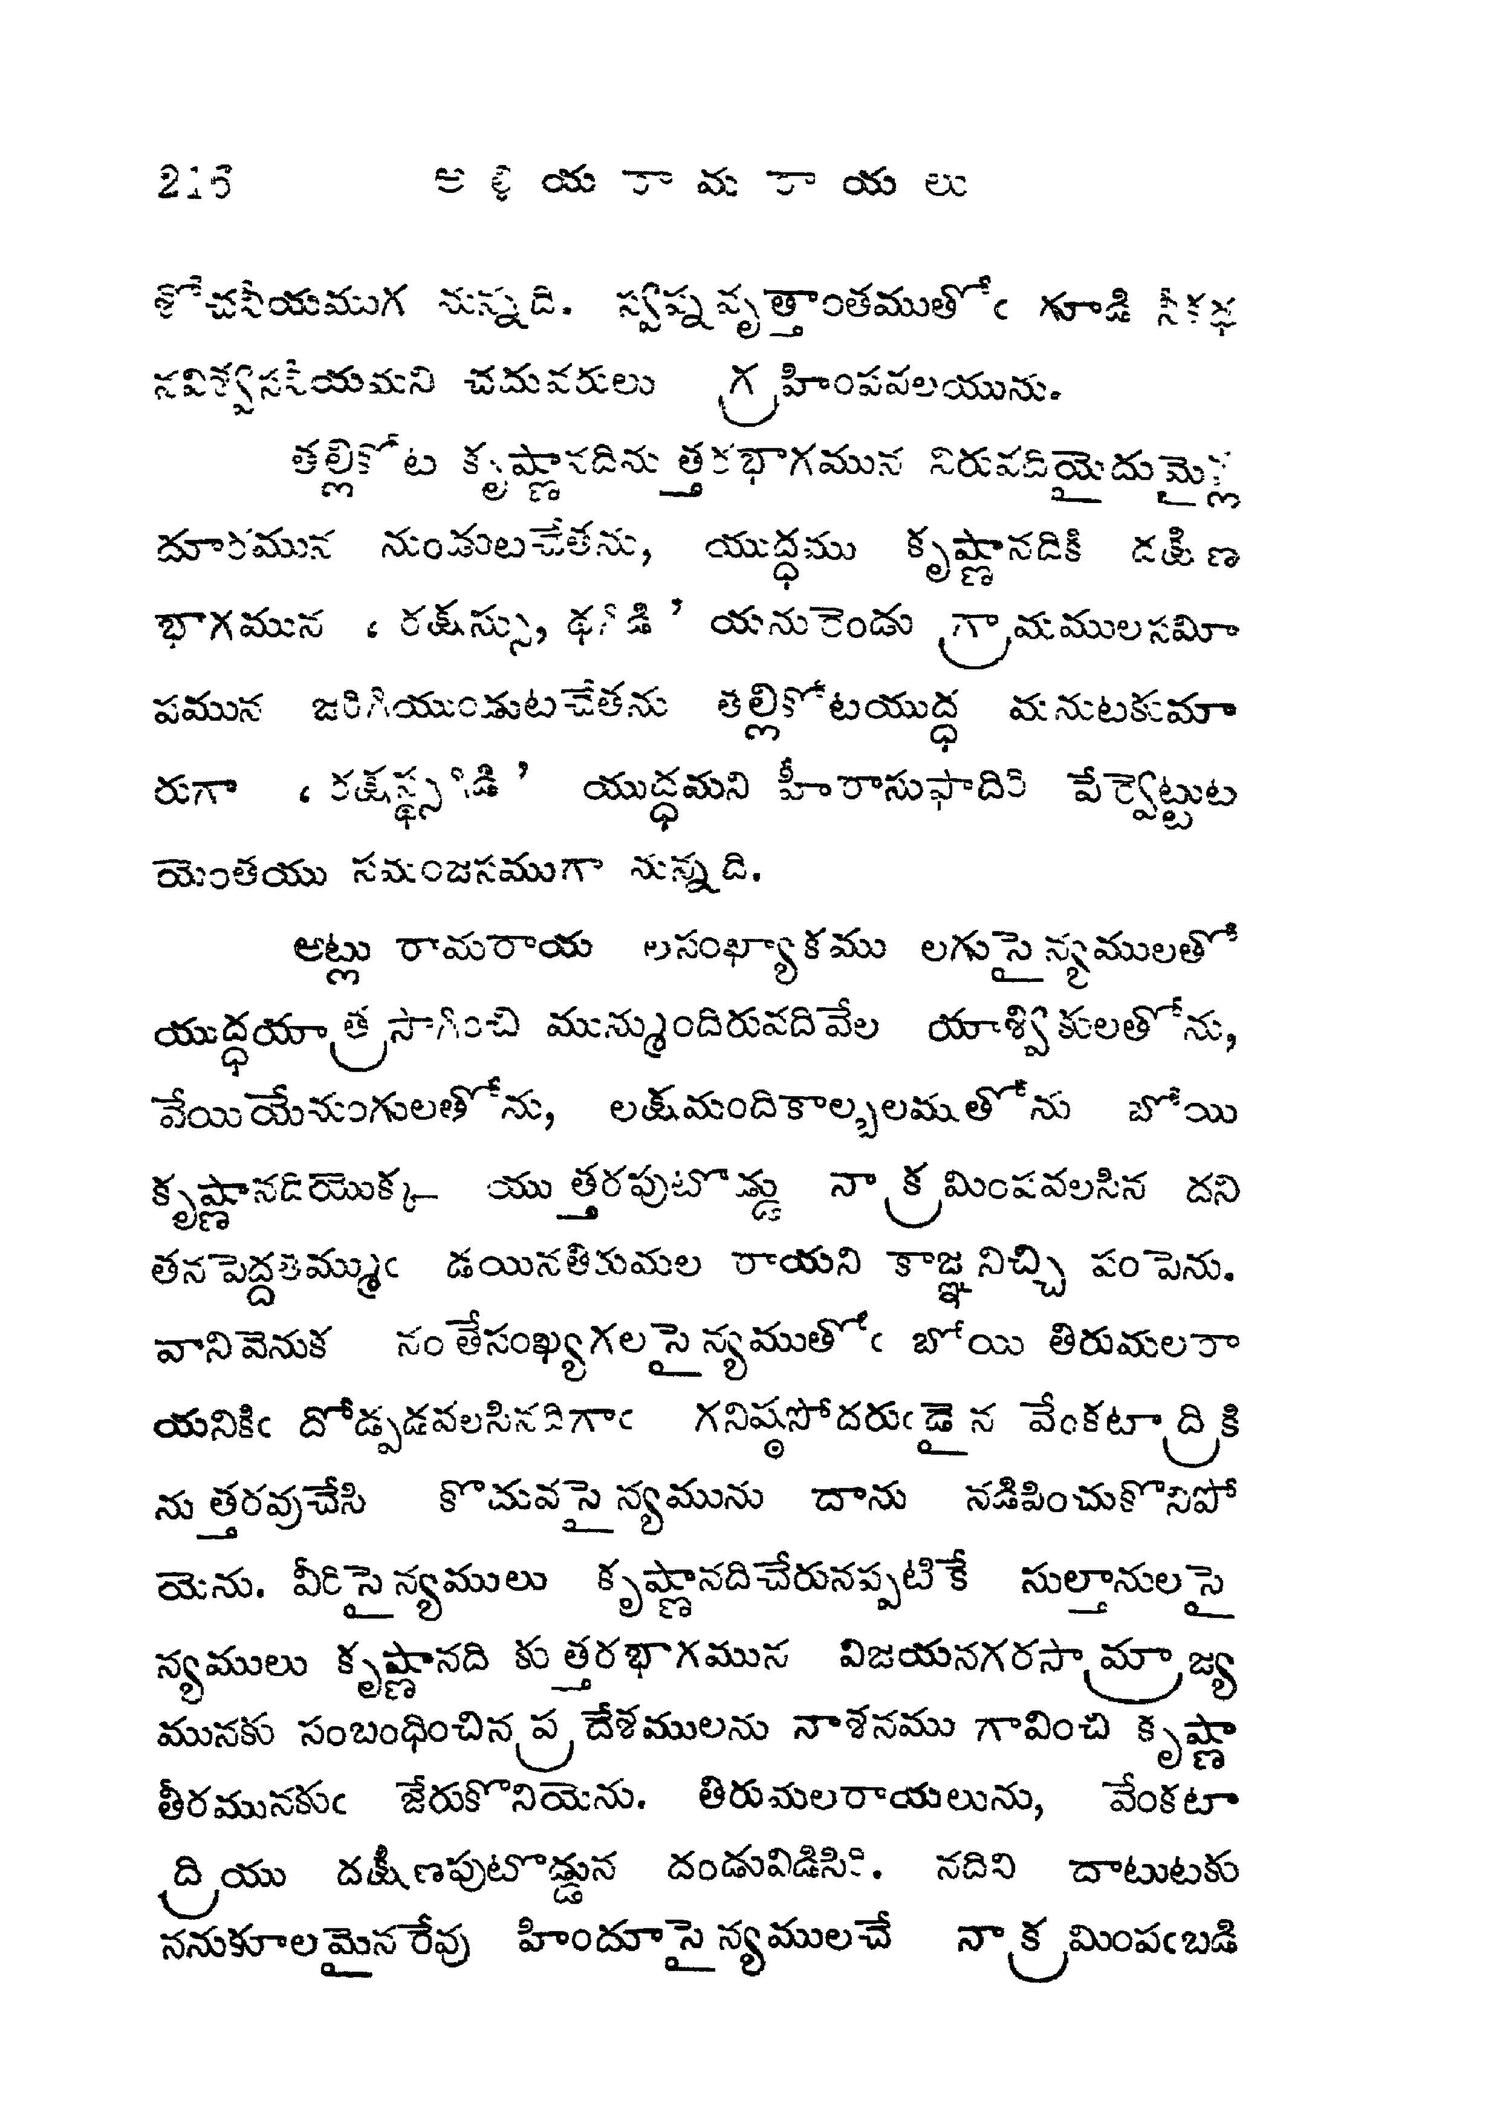శోచనీయముగ నున్నది. స్వప్నవృత్తాంతముతో గూడి నీకథ నవిశ్వసనీయమని చదువరులు గ్రహింపవలయును.

తల్లికోట కృష్ణానదినుత్తరభాగమున నిరువదియైదుమైళ్ల దూరమున నుండుటచేతను, యుద్ధము కృష్ణానదికి దక్షిణ భాగమున 'రక్షస్సు, థగిడి' యనురెండు గ్రామములసమీపమున జరిగియుండుట చేతను తల్లికోటయుద్ధ మనుటకుమారుగా 'రక్షస్థ్సగిడి' యుద్ధమని హీరాసుఫాదిరి పేర్వేట్టుట యెంతయు సమంజసముగా నున్నది.

అట్లు రామరాయ లసంఖ్యాకము లగుసైన్యములతో యుద్ధయాత్రసాగించి మున్ముందిరువదివేల యాశ్వికులతోను, వేయియేనుగులతోను, లక్షమందికాల్బలముతోను బోయి కృష్ణానదియొక్క యుత్తరపుటొడ్డు నాక్రమింపవలసిన దని తనపెద్దతమ్ము డయినతిరుమల రాయని కాజ్ఞనిచ్చి పంపెను. వానివెనుక నంతేసంఖ్యగలసైన్యముతో బోయి తిరుమలరాయనికి దోడ్పడవలసినదిగా గనిష్ఠసోదరుడైన వేంకటాద్రికి నుత్తరువుచేసి కొదువసైన్యమును దాను నడిపించుకొనిపోయెను. వీరిసైన్యములు కృష్ణానదిచేరునప్పటికే సుల్తానులసైన్యములు కృష్ణానది కుత్తరభాగమున విజయనగరసామ్రాజ్యమునకు సంబంధించిన ప్రదేశములను నాశనము గావించి కృష్ణాతీరమునకు జేరుకొనియెను. తిరుమల రాయలును, వేంకటాద్రియు దక్షిణపుటొడ్డున దండువిడిసిరి. నదిని దాటుటకు ననుకూలమైనరేవు హిందూసైన్యములచే నాక్రమింపబడి